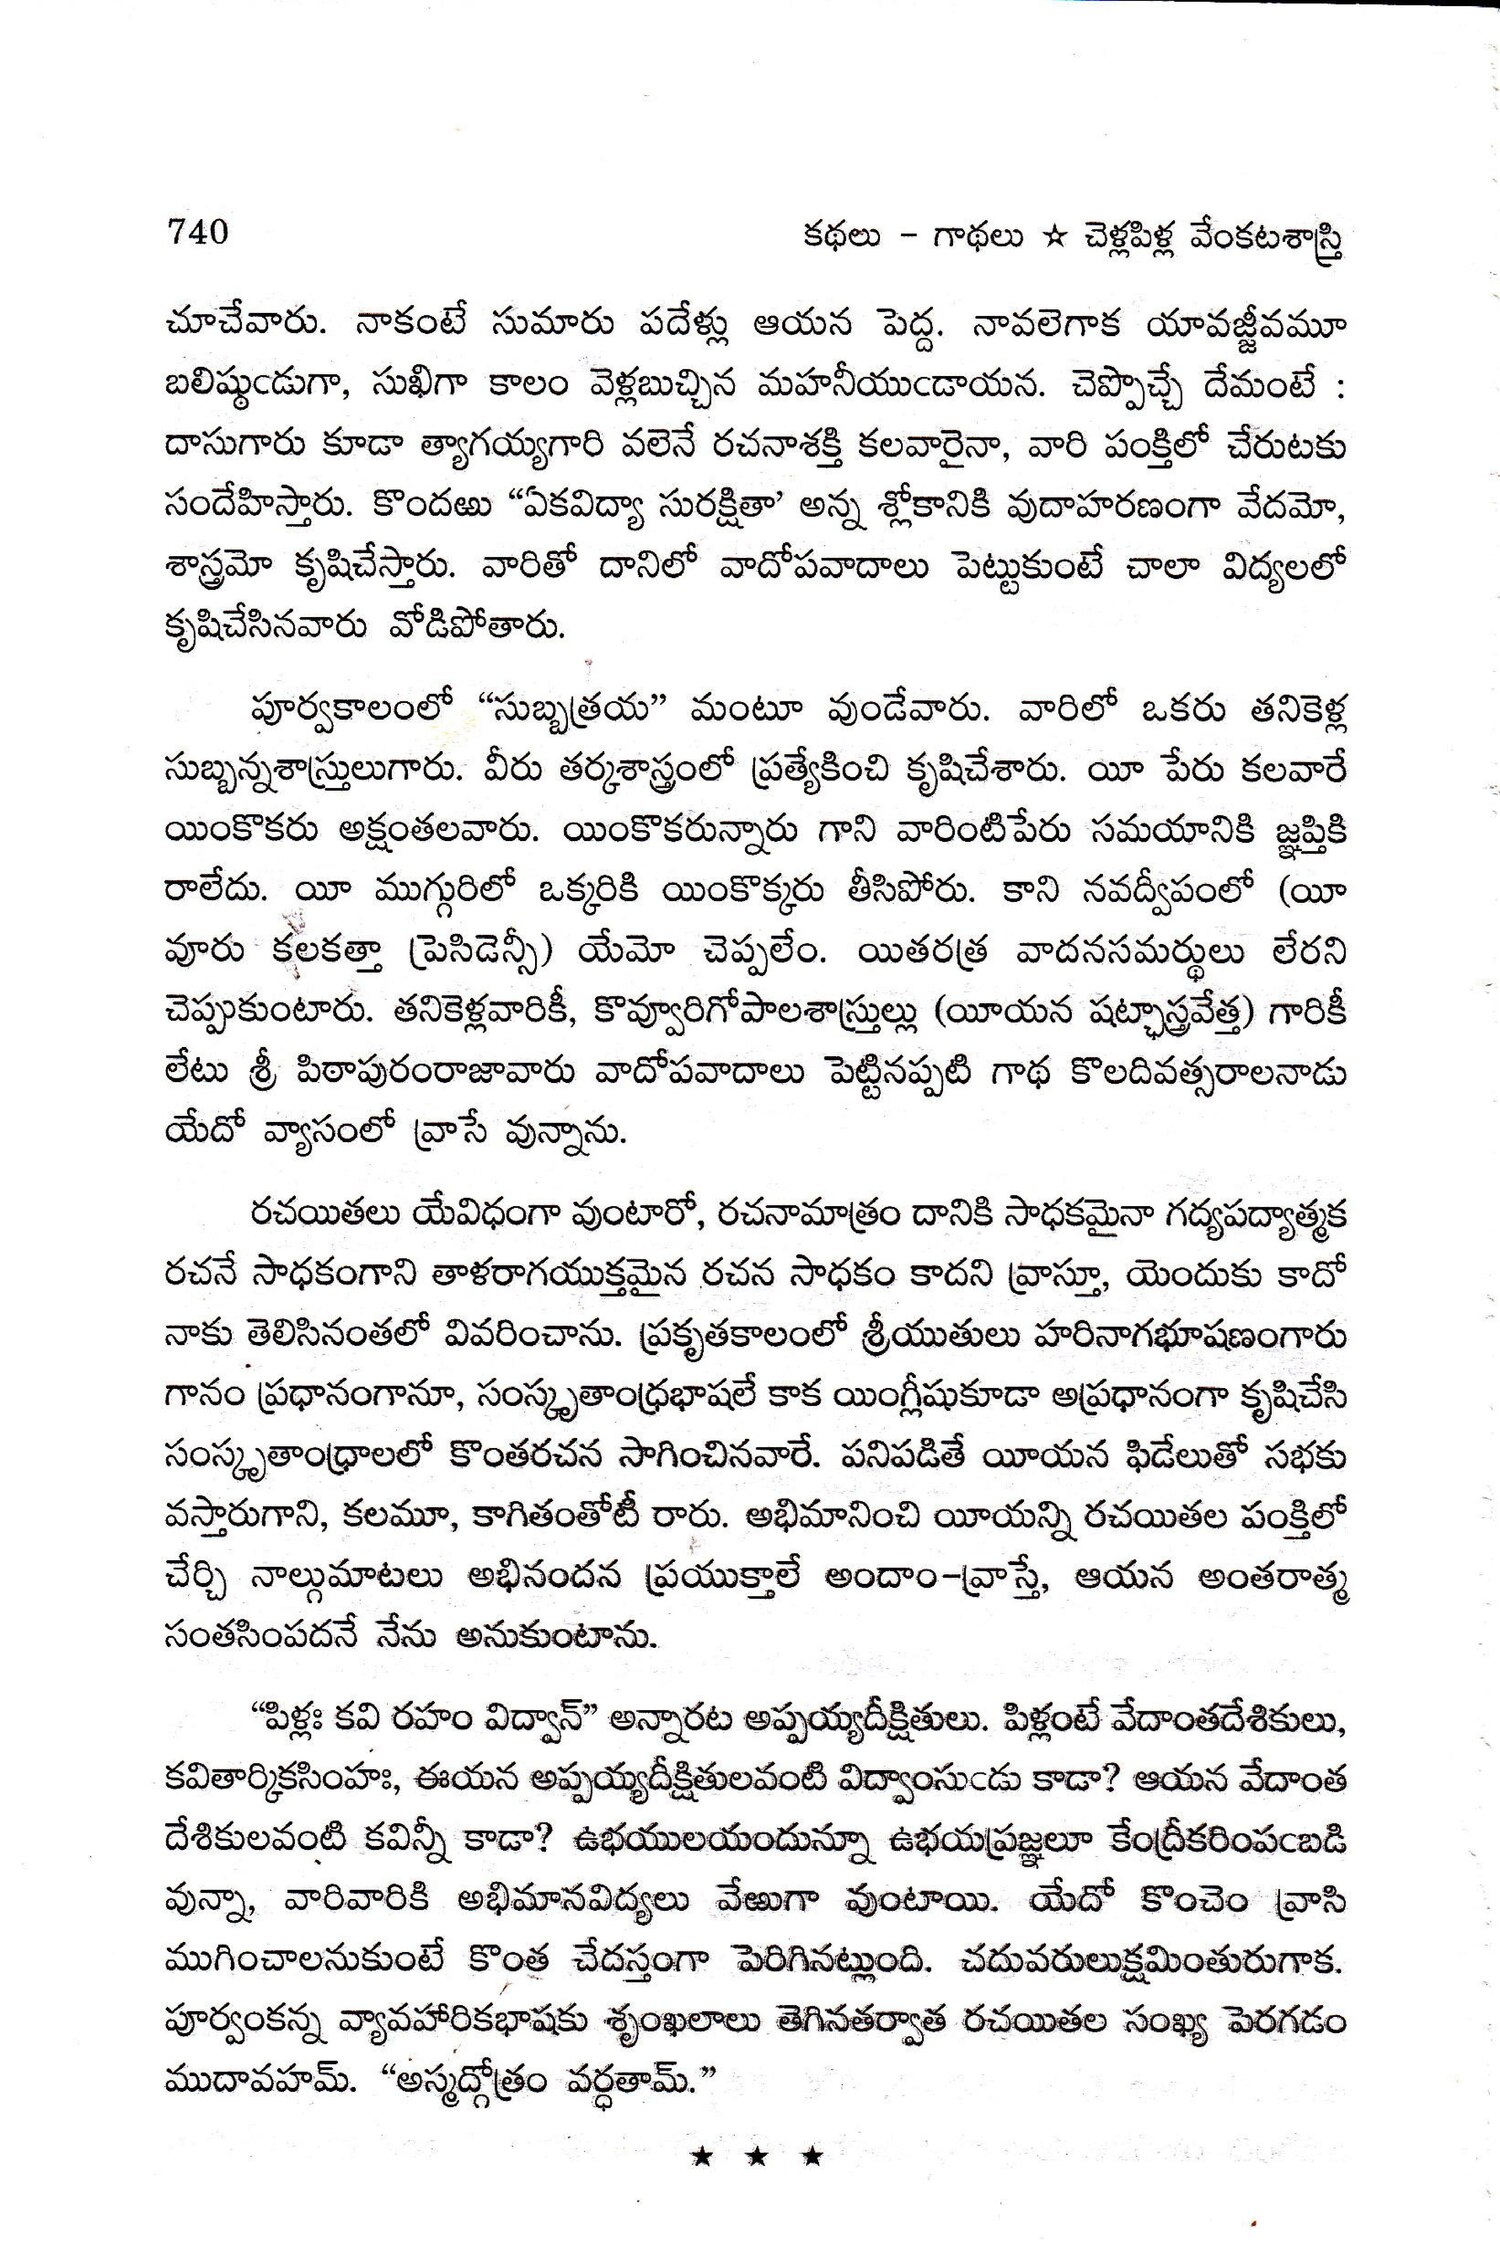చూచేవారు. నాకంటే సుమారు పదేళ్లు ఆయన పెద్ద. నావలెగాక యావజ్జీవమూ బలిష్ఠుఁడుగా, సుఖిగా కాలం వెళ్లబుచ్చిన మహనీయుఁడాయన. చెప్పొచ్చే దేమంటే : దాసుగారు కూడా త్యాగయ్యగారి వలెనే రచనాశక్తి కలవారైనా, వారి పంక్తిలో చేరుటకు సందేహిస్తారు. కొందఱు "ఏకవిద్యా సురక్షితా" అన్న శ్లోకానికి వుదాహరణంగా వేదమో, శాస్త్రమో కృషిచేస్తారు. వారితో దానిలో వాదోపవాదాలు పెట్టుకుంటే చాలా విద్యలలో కృషిచేసినవారు వోడిపోతారు.

పూర్వకాలంలో “సుబ్బత్రయ" మంటూ వుండేవారు. వారిలో ఒకరు తనికెళ్ల సుబ్బన్నశాస్త్రులుగారు. వీరు తర్కశాస్త్రంలో ప్రత్యేకించి కృషిచేశారు. యీ పేరు కలవారే యింకొకరు అక్షంతలవారు. యింకొకరున్నారు గాని వారింటిపేరు సమయానికి జ్ఞప్తికి రాలేదు. యీ ముగ్గురిలో ఒక్కరికి యింకొక్కరు తీసిపోరు. కాని నవద్వీపంలో (యీ వూరు కలకత్తా ప్రెసిడెన్సీ) యేమో చెప్పలేం. యితరత్ర వాదనసమర్థులు లేరని చెప్పుకుంటారు. తనికెళ్లవారికీ, కొవ్వూరిగోపాలశాస్త్రుల్లు (యీయన షట్ఛాస్త్రవేత్త) గారికీ లేటు శ్రీ పిఠాపురంరాజావారు వాదోపవాదాలు పెట్టినప్పటి గాథ కొలదివత్సరాలనాడు యేదో వ్యాసంలో వ్రాసే వున్నాను.

రచయితలు యేవిధంగా వుంటారో, రచనామాత్రం దానికి సాధకమైనా గద్యపద్యాత్మక రచనే సాధకంగాని తాళరాగయుక్తమైన రచన సాధకం కాదని వ్రాస్తూ, యెందుకు కాదో నాకు తెలిసినంతలో వివరించాను. ప్రకృతకాలంలో శ్రీయుతులు హరినాగభూషణంగారు గానం ప్రధానంగానూ, సంస్కృతాంధ్రభాషలే కాక యింగ్లీషుకూడా అప్రధానంగా కృషిచేసి సంస్కృతాంధ్రాలలో కొంతరచన సాగించినవారే. పనిపడితే యీయన ఫిడేలుతో సభకు వస్తారుగాని, కలమూ, కాగితంతోటీ రారు. అభిమానించి యీయన్ని రచయితల పంక్తిలో చేర్చి నాల్గుమాటలు అభినందన ప్రయుక్తాలే అందాం-వ్రాస్తే, ఆయన అంతరాత్మ సంతసింపదనే నేను అనుకుంటాను.

“పిళ్లః కవి రహం విద్వాన్" అన్నారట అప్పయ్యదీక్షితులు. పిళ్లంటే వేదాంతదేశికులు, కవితార్కికసింహః, ఈయన అప్పయ్యదీక్షితులవంటి విద్వాంసుఁడు కాడా? ఆయన వేదాంత దేశికులవంటి కవిన్నీ కాడా? ఉభయులయందున్నూ ఉభయప్రజ్ఞలూ కేంద్రీకరింపఁబడి వున్నా, వారివారికి అభిమానవిద్యలు వేఱుగా వుంటాయి. యేదో కొంచెం వ్రాసి ముగించాలనుకుంటే కొంత చేదస్తంగా పెరిగినట్లుంది. చదువరులుక్షమింతురుగాక. పూర్వంకన్న వ్యావహారికభాషకు శృంఖలాలు తెగినతర్వాత రచయితల సంఖ్య పెరగడం ముదావహమ్. “అస్మద్గోత్రం వర్ధతామ్."